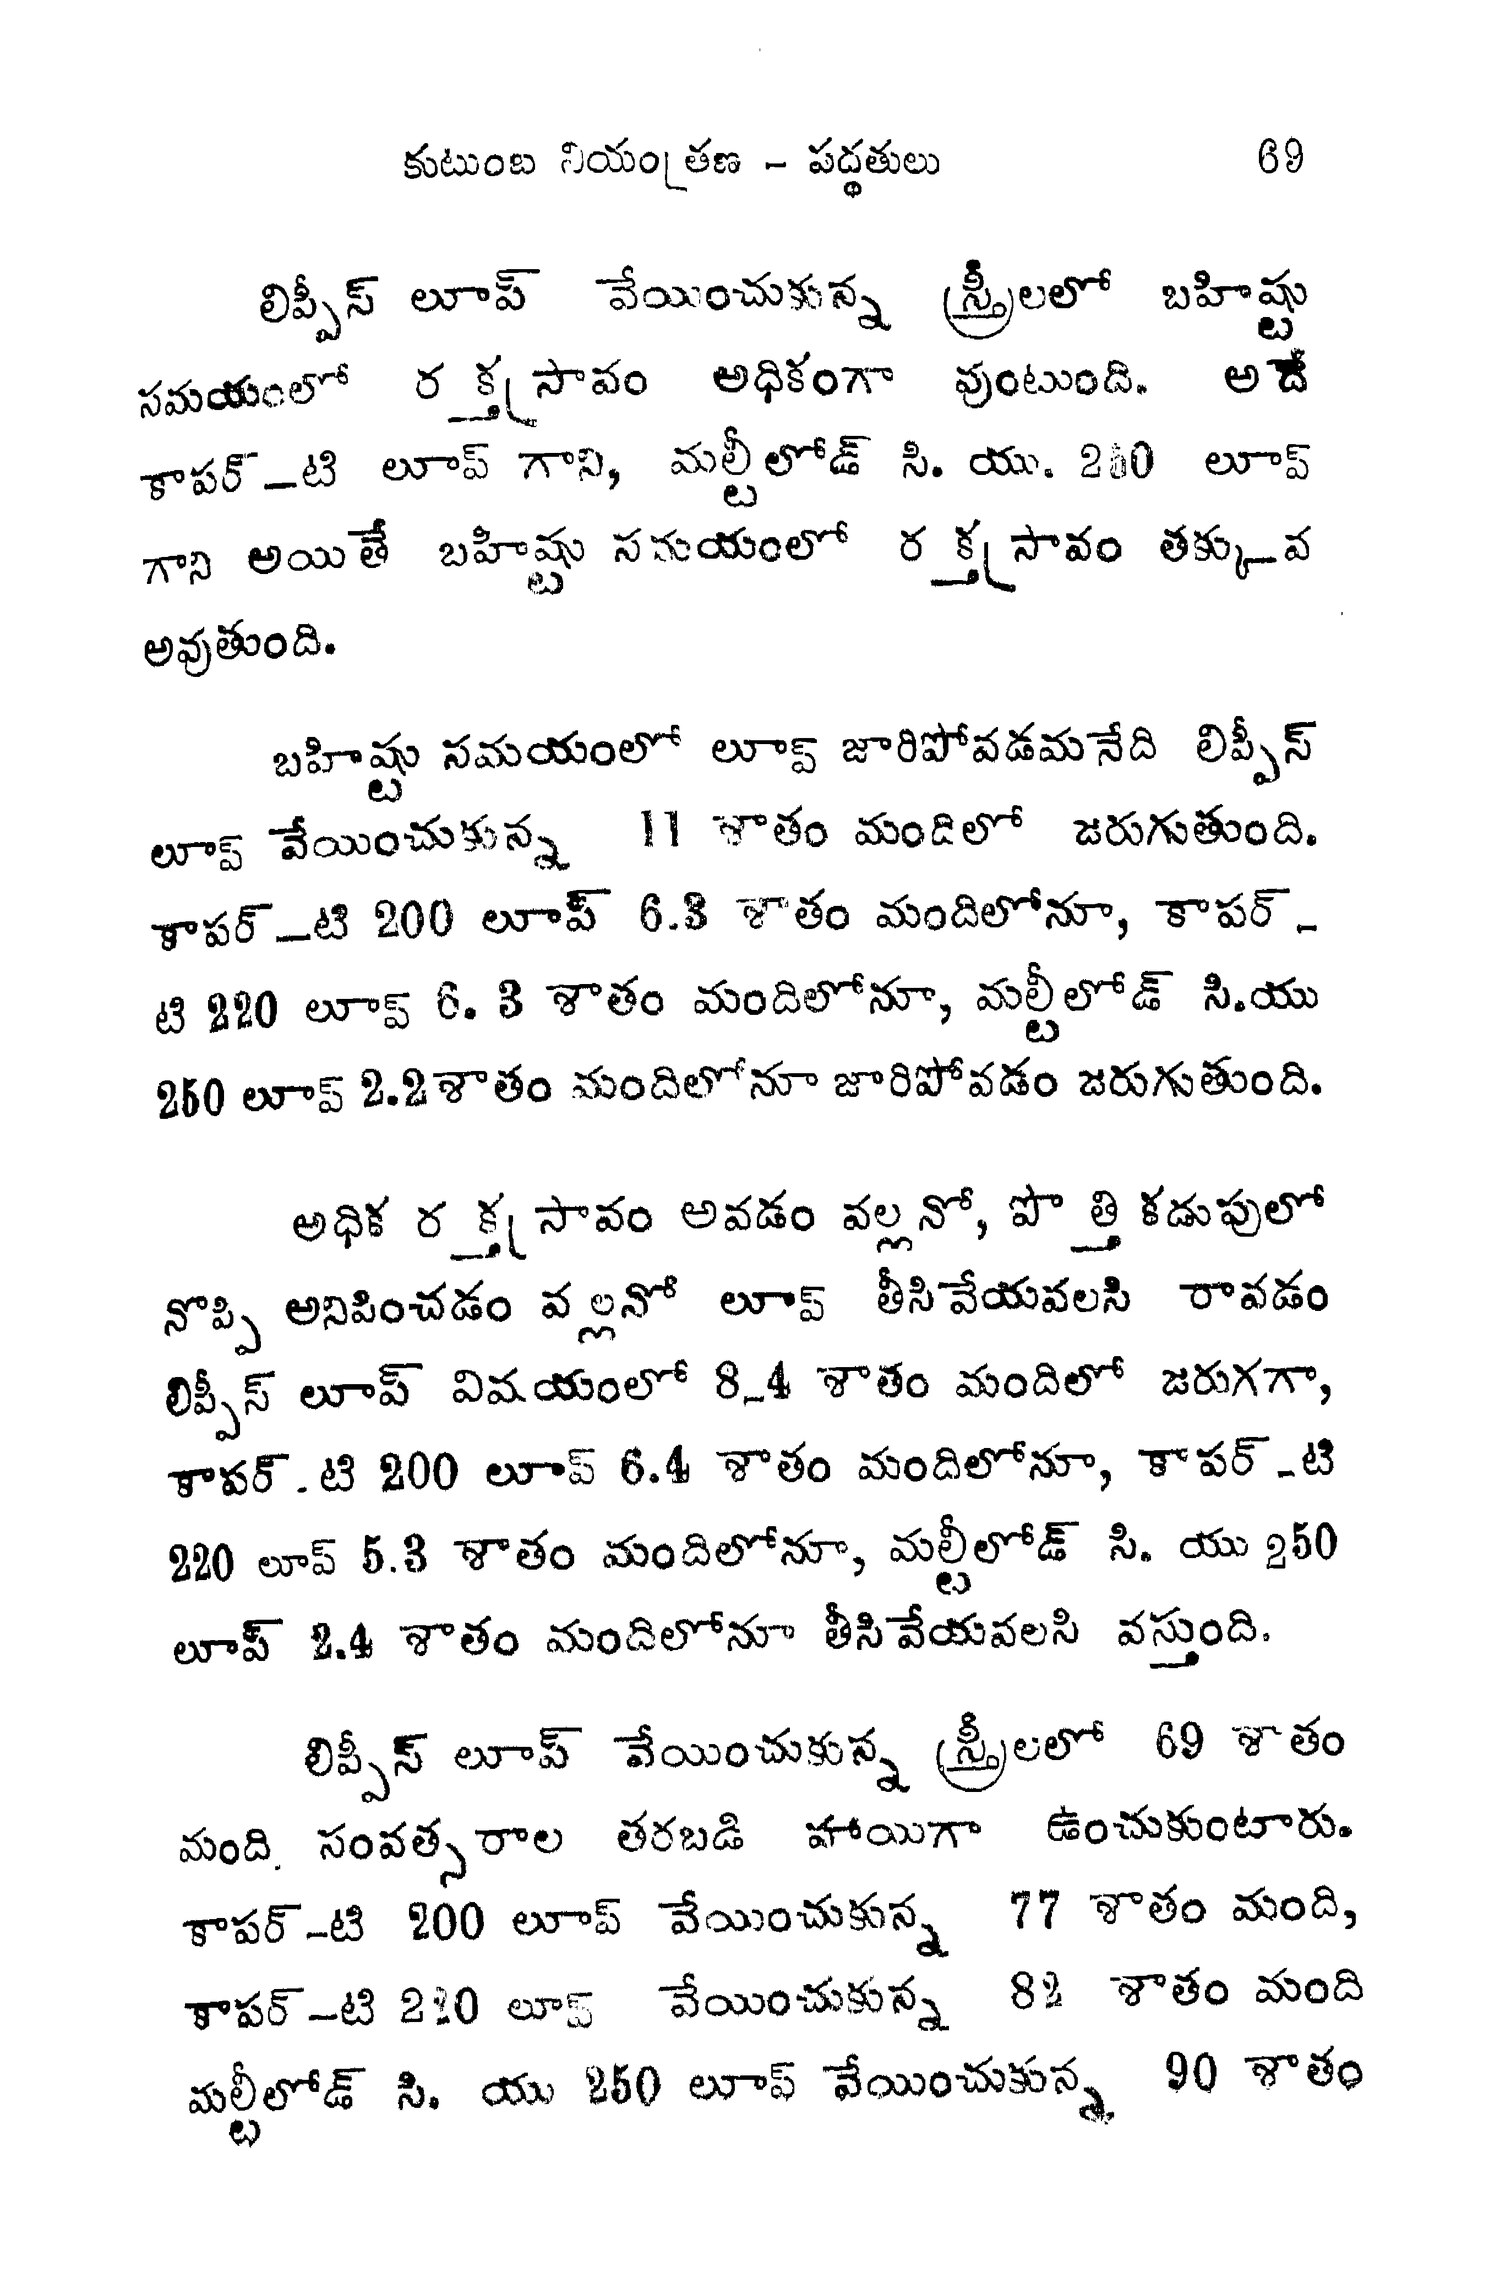లిప్పీస్ లూప్ వేయించుకున్న స్త్రీలలో బహిష్టు సమయంలో రక్తస్రావం అధికంగా వుంటుంది. అదే కాపర్ -టి లూప్ గాని, మల్టీలోడ్ సి.యు. 250 లూప్ గాని అయితే బహిష్టు సమయంలో రక్తస్రావం తక్కువ అవుతుంది.

బహిష్టు సమయంలో లూప్ జారిపోవడమనెది లిప్పీస్ లూప్ వేయించుకున్న 11 శాతం మందిలో జరుగుతుంది. కాపర్ -టి 200 లూప్ 6.3 శాతం మందిలోనూ, కాపర్ -టి 220 లూప్ 6.3 శాతం మందిలోనూ, మల్టీలోడ్ సి.యు 250 లూప్ 2.2 శాతం మందిలోనూ జారిపోవడం జరుగుతుంది.

అధిక రక్తస్రావం అవడం వల్లనో, పొత్తికడుపులో నొప్పి అనిపించడం వల్లనో లూప్ తీసివేయవలసి రావడం లిప్పీస్ లూప్ విషయంలో 8-4 శాతం మందిలో జరుగగా, కాపర్-టి 200 లూప్ 6.4 శాతం మందిలోనూ, కాపర్ -టి 220 లూప్ 5.3 శాతం మందిలోనూ, మల్టీలోడ్ సి.యు 250 లూప్ 2.4 శాతం మందిలోనూ తీసివేయవలసి వస్తుంది.

లిప్పీస్ లూప్ వెయించుకున్న స్త్రీలలో 69 శాతంమంది సంవత్సరాల తరబడి హాయిగా ఉంచుకుంటారు. కాపర్-టి 200 లూప్ వేయించుకున్న 77 శాతం మంది, కాపర్ -టి 220 లూప్ వేయించుకున్న 82 శాతం మంది మల్టీలోడ్ సి.యు. 250 లూప్ వేయించుకున్న 90 శాతం